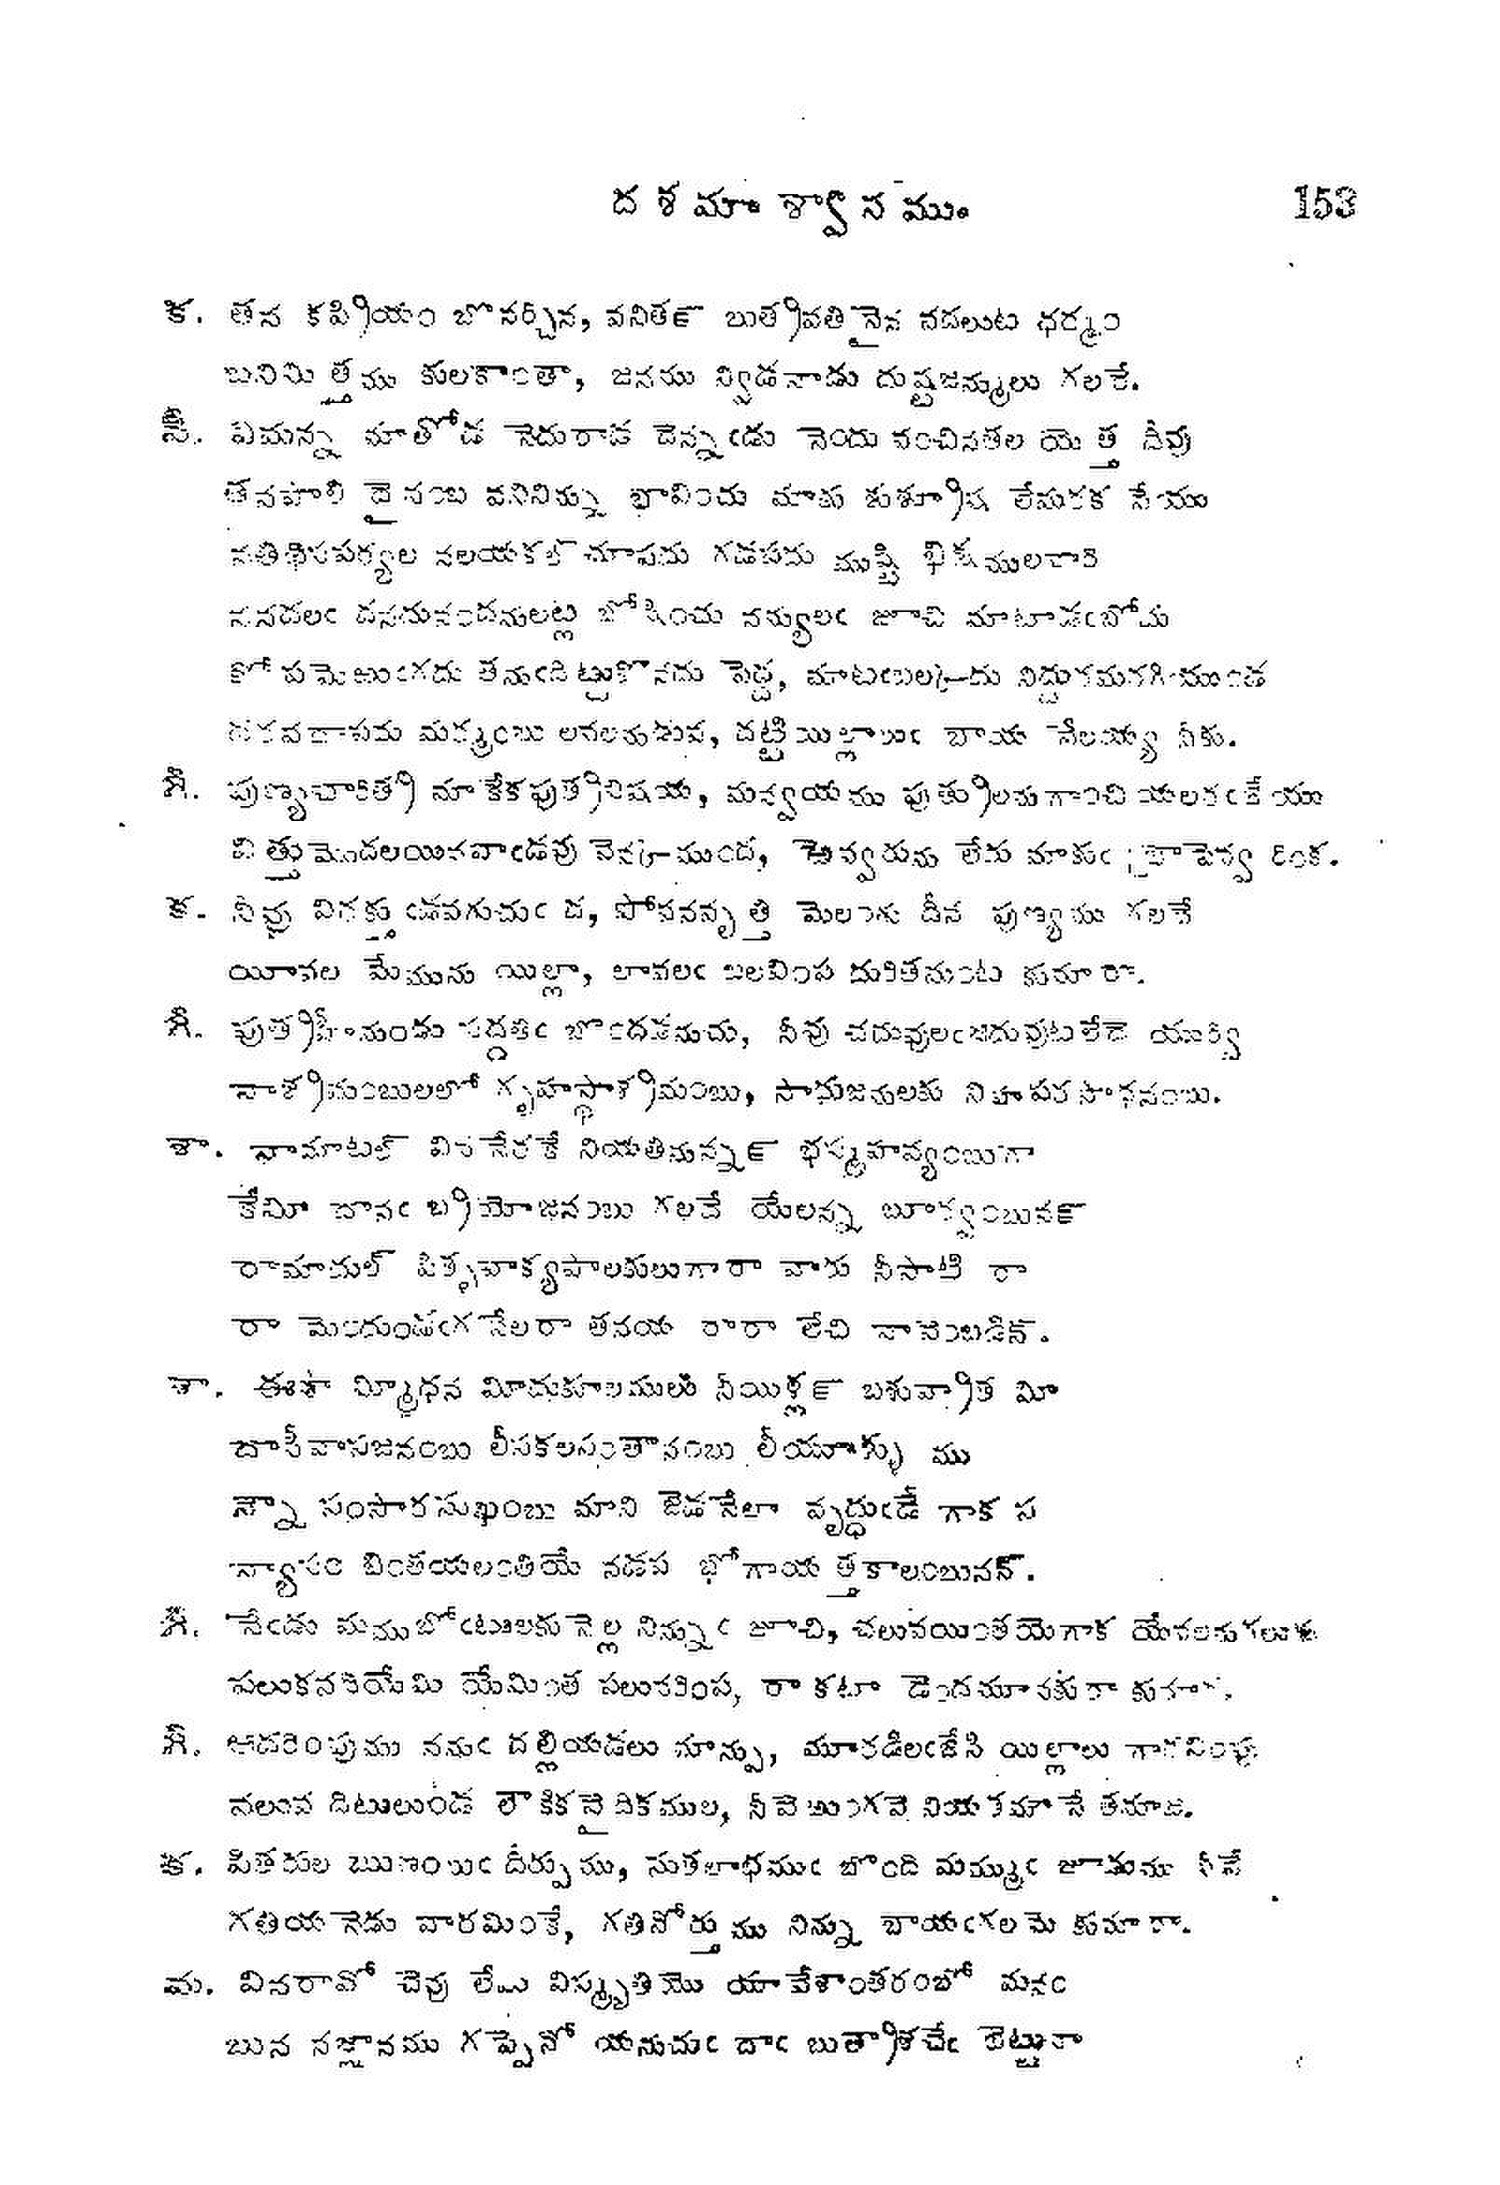క. తన కప్రియం బొనర్చిన, వనితన్ బుత్రవతినైన వదలుట ధర్మం
 బనిమిత్తము కులకాంతా, జనము న్విడనాడు దుష్టజన్ములు గలరే.
సీ. ఏమన్న మాతోడ నెదురాడ దెన్నఁడు నెందు వంచినతల యెత్త దీవు
 తనపాలి దైవంబ వని నిన్ను భావించు మాకు శుశ్రూష లేమరక సేయు
 నతిథిసపర్యల నలయకల్ చూపదు గడపదు ముష్టి భిక్షములవారి
 ననదలఁ దనదునందనులట్ల బోషించు నన్యులఁ జూచి మాటాడఁబోదు
 కోపమెఱుఁగదు తనుఁదిట్టుకొనదు పెద్ద, మాటబల్కదు నిద్దురమరగియుండ
 దరవదాపదు మర్మంబు లవలనుడువ, దట్టియిల్లాలు బాయ నేలయ్య నీకు.
గీ. పుణ్యచారిత్ర మాకేకపుత్రవిషయ, మన్వయము పుత్రులచు గాంచి యలరఁజేయు
 విత్తుమొదలయినవాఁడవు వెన్క ముంద, ఱెవ్వరును లేరు మాకుఁ బ్రాపెవ్వ రింక.
క. నీను విరక్తుఁడ వగుచుఁ ద, పోసననృత్తి మెలంగు దీన పుణ్యము గలదే
 యీవల మేమును యిల్లా, లావలఁ బలవింప దురితమంట కుమారా.
గీ. పుత్రహీనుండు సద్గతిఁ బొందడనుచు, నీవు చదువులఁ జదువుట లేదె యుర్వి
 నాశ్రమంబులలో గృహస్థాశ్రమంబు, సాధుజనులకు నిహపరసాధనంబు.
శా. నామాటల్ విననేరకే నియతినున్నన్ భస్మహవ్యంబుగా
 కేమీ దానఁ బ్రయోజనంబు గలదే యేలన్న బూర్వంబునన్
 రామాదుల్ పితృవాక్యపాలకులుగారా వారు నీసాటి రా
 రా మెలదుండఁగ నేలరా తనయ రారా లేచి నావెంబడిన్.
శా. ఈసొ మ్మీధన మీదుకూలములు నీయిళ్లన్ బశువ్రాత మీ
 దాసీవాసజనంబు లీసకలసంతానంబు లీయూళ్ళు ము
 న్నౌ సంసారసుఖంబు మాని జెడనేలా వృద్ధుఁడే గాక స
 న్యాసం బింతయలంతియే నడప భోగాయత్తకాలంబునన్.
గీ. నేఁడు మముబోఁటులకునెల్ల నిన్నుఁ జూచి, చలువ యింతయెగాక యేవలనుగలుగు
 పలుకవది యేమి యేమింత పలువరింప, రా కటా డెందమూనకురా కుమార.
గీ. ఆదరింపుము ననుఁ దల్లియడలు మాన్సు, మూరడిలఁజేసి యిల్లాలు గారవింపు
 వలువ దిటులుండ లౌకికవైదికముల, నీ వెఱుంగవె నియతమౌనే తనూజ.
క. పితరుల ఋణంబు దీర్పుము, సుతలాభముఁ బొంది మమ్ముఁ జూడుము నీవే
 గతి యనెడువార మింకే, గతి నోర్తుము నిన్ను బాయఁగలమె కుమారా.
మ. వినరావో చెవు లేమి విస్మృతియొ యావేశాంతరంబో మనం
 బున నజ్ఞానము గప్పెనో యనుచుఁ దాఁ బుత్రాశచేఁ బెట్టునా